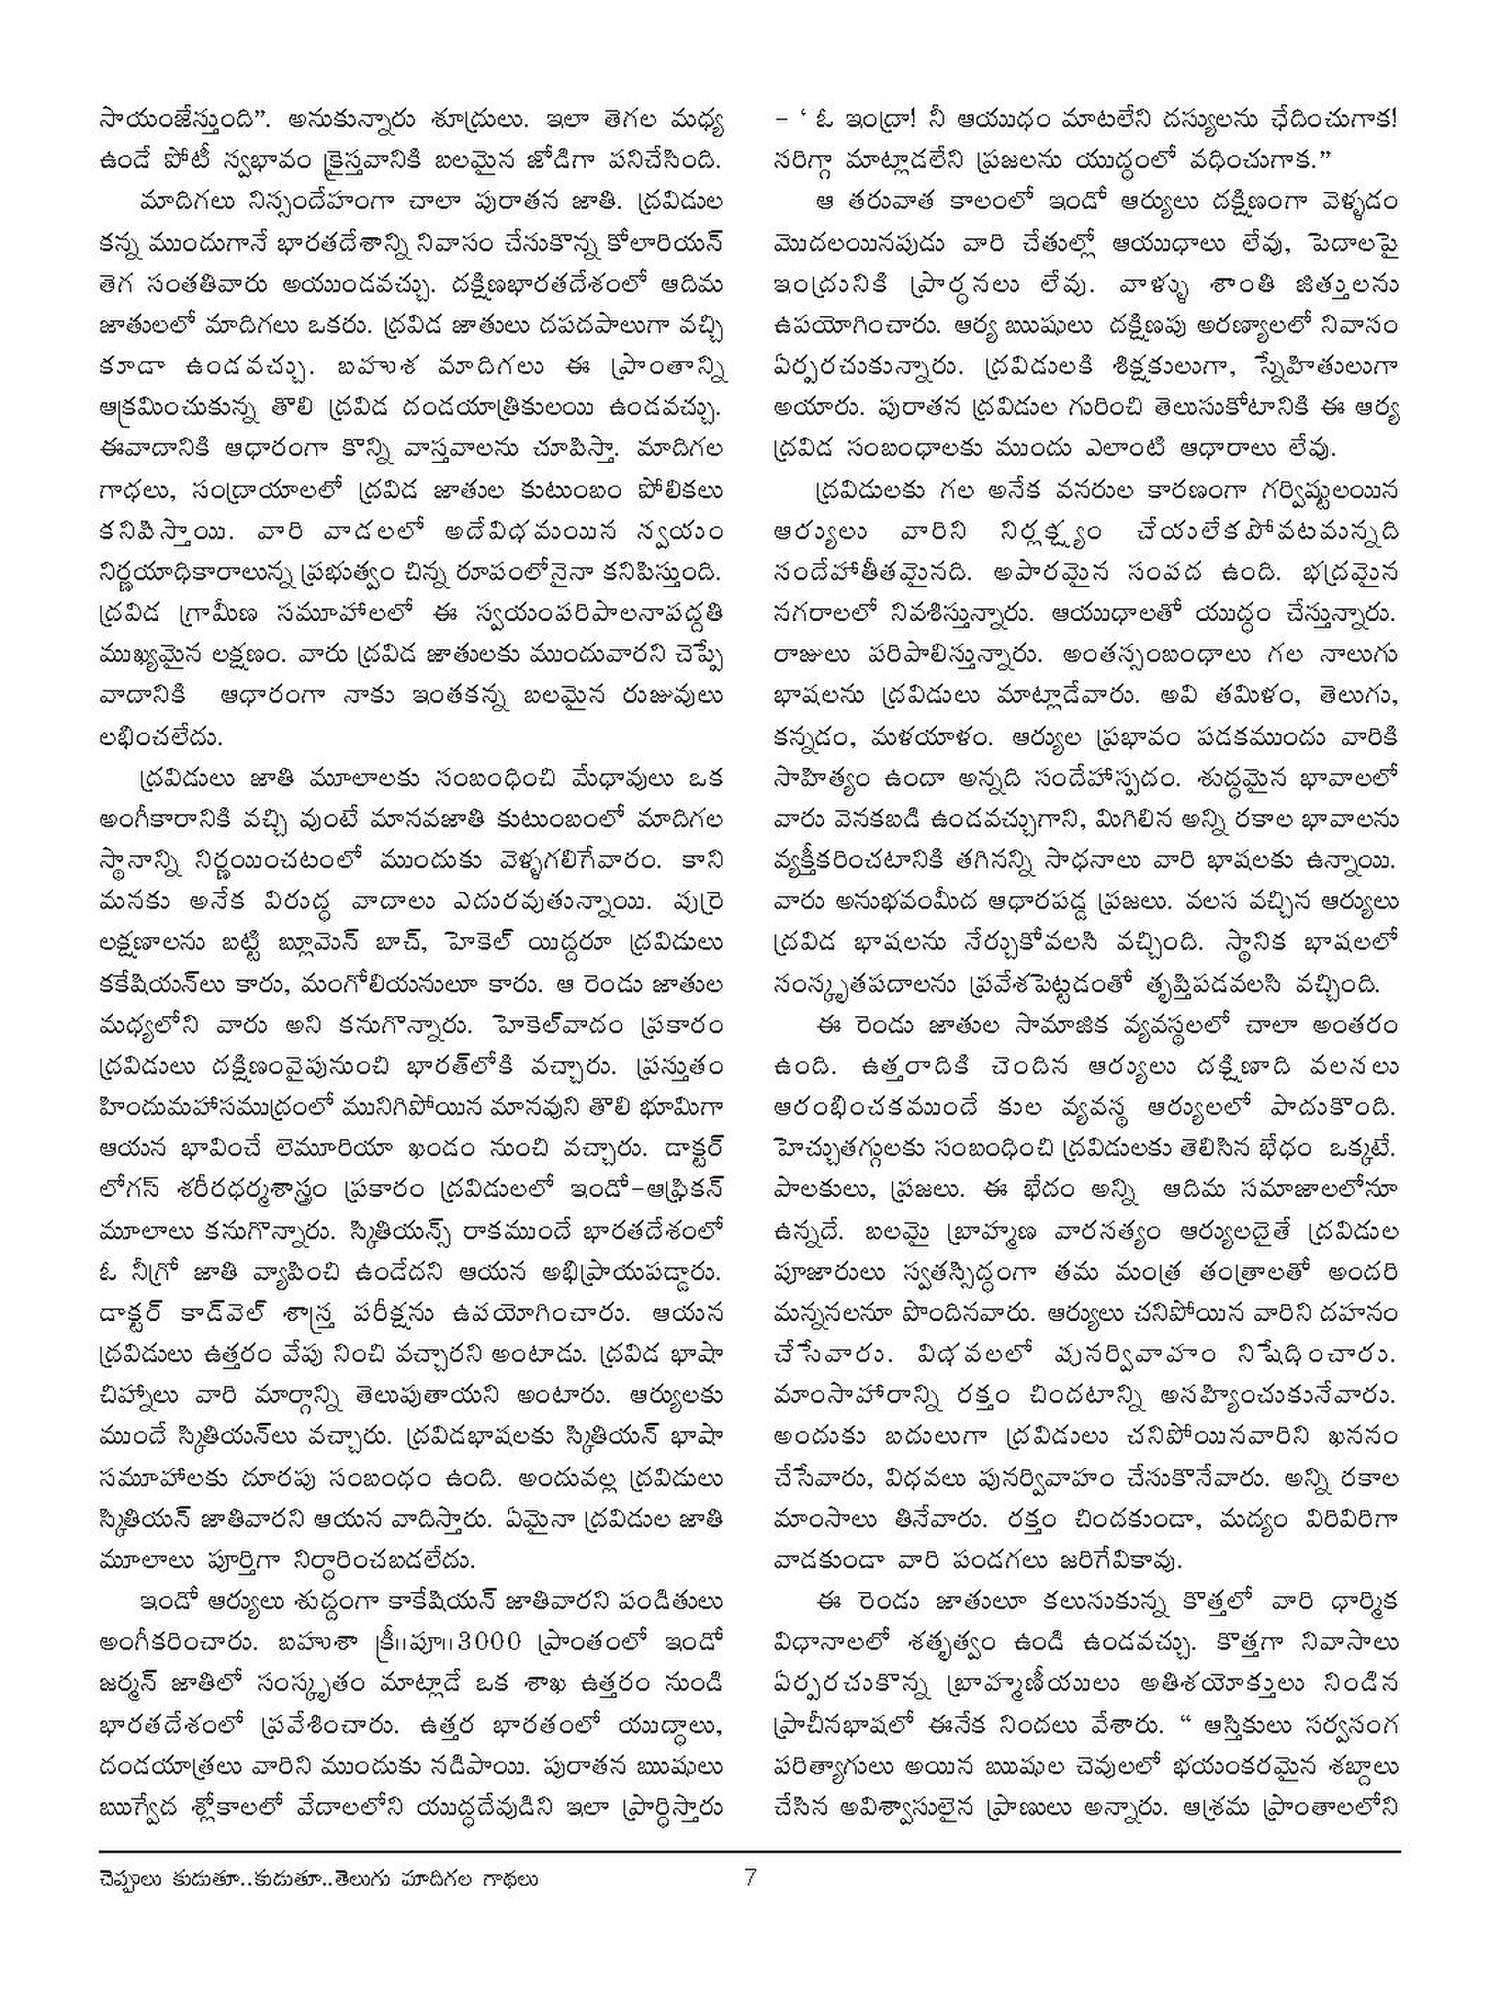సాయంజేస్తుంది". అనుకున్నారు శూద్రులు. ఇలా తెగల మధ్య ఉండే పోటీ స్వభావం క్రైస్తవానికి బలమైన జోడిగా పనిచేసింది.

మాదిగలు నిస్సందేహంగా చాలా పురాతన జాతి. ద్రవిడుల కన్న ముందుగానే భారతదేశాన్ని నివాసం చేసుకొన్న కోలారియన్ తెగ సంతతివారు అయుండవచ్చు. దక్షిణభారతదేశంలో ఆదిమజాతులలో మాదిగలు ఒకరు. ద్రవిడ జాతులు దపదపాలుగా వచ్చికూడా ఉండవచ్చు. బహుశ మాదిగలు ఈ ప్రాంతాన్ని ఆక్రమించుకున్న తొలి ద్రవిడ దండయాత్రీకులయి ఉండవచ్చు. ఈవాదానికి ఆధారంగా కొన్ని వాస్తవాలను చూపిస్తా. మాదిగల గాధలు, సంప్రదాయాలలో ద్రవిడ జాతుల కుటుంబం పోలికలు కనిపిస్తాయి. వారి వాడలలో అదేవిధమయిన స్వయం నిర్ణయాధికారాలున్న ప్రభుత్వం చిన్న రూపంలోనైనా కనిపిస్తుంది. ద్రవిడ గ్రామీణ సమూహాలలో ఈ స్వయంపరిపాలనాపద్దతి ముఖ్యమైన లక్షణం. వారు ద్రవిడ జాతులకు ముందువారని చెప్పే వాదానికి ఆధారంగా నాకు ఇంతకన్న బలమైన రుజువులు లభించలేదు.

ద్రవిడులు జాతి మూలాలకు సంబంధించి మేధావులు ఒక అంగీకారానికి వచ్చి వుంటే మానవజాతి కుటుంబంలో మాదిగల స్థానాన్ని నిర్ణయించటంలో ముందుకు వెళ్ళగలిగేవారం. కాని మనకు అనేక విరుద్ధ వాదాలు ఎదురవుతున్నాయి. పుర్రె లక్షణాలను బట్టి బ్లూమెన్ బాచ్, హెకెల్ యిద్దరూ ద్రవిడులు కకేషియన్‌లు కారు, మంగోలియనులూ కారు. ఆ రెండు జాతుల మధ్యలోని వారు అని కనుగొన్నారు. హెకెల్‌వాదం ప్రకారం ద్రవిడులు దక్షిణంవైపునుంచి భారత్‌లోకి వచ్చారు. ప్రస్తుతం హిందుమహాసముద్రంలో మునిగిపోయిన మానవుని తొలి భూమిగా ఆయన భావించే లెమూరియా ఖండం నుంచి వచ్చారు. డాక్టర్ లోగస్ శరీరధర్మశాస్త్రం ప్రకారం ద్రావిడులలో ఇండో-ఆఫ్రికన్ మూలాలు కనుగొన్నారు. స్కితియన్స్ రాకముందే భారతదేశంలో ఓ నీగ్రో జాతి వ్యాపించి ఉండేదని ఆయన అభిప్రాయపడ్డారు. డాక్టర్ కాడ్‌వెల్ శాస్త్ర పరీక్షను ఉపయోగించారు. ఆయన ద్రవిడులు ఉత్తరం వేపు నించి వచ్చారని అంటాడు. ద్రవిడ భాషా చిహ్నాలు వారి మార్గాన్ని తెలుపుతాయని అంటారు. ఆర్యులకు ముందే స్కితియన్‌లు వచ్చారు. ద్రవిడభాషలకు స్కితియన్ భాషా సమూహాలకు దూరపు సంబంధం ఉంది. అందువల్ల ద్రవిడులు స్కితియన్ జాతివారని ఆయన వాదిస్తారు. ఏమైనా ద్రవిడుల జాతి మూలాలు పూర్తిగా నిర్ధారించబడలేదు.

ఇండో ఆర్యులు శుద్ధంగా కాకేషియన్ జాతివారని పండితులు అంగీకరించారు. బహుశా క్రీ॥పూ॥3000 ప్రాంతంలో ఇండో జర్మన్ జాతిలో సంస్కృతం మాట్లాడే ఒక శాఖ ఉత్తరం నుండి భారతదేశంలో ప్రవేశించారు. ఉత్తర భారతంలో యుద్ధాలు, దండయాత్రలు వారిని ముందుకు నడిపాయి. పురాతన ఋషులు ఋగ్వేద శ్లోకాలలో వేదాలలోని యుద్ధదేవుడిని ఇలా ప్రార్ధిస్తారు-'ఓ ఇంద్రా! నీ ఆయుధం మాటలేని దస్యులను ఛేదించుగాక! సరిగ్గా మాట్లాడలేని ప్రజలను యుద్ధంలో వధించుగాక.”

ఆ తరువాత కాలంలో ఇండో ఆర్యులు దక్షిణంగా వెళ్ళడం మొదలయినపుడు వారి చేతుల్లో ఆయుధాలు లేవు. పెదాలపై ఇంద్రునికి ప్రార్ధనలు లేవు. వాళ్ళు శాంతి జిత్తులను ఉపయోగించారు. ఆర్య ఋషులు దక్షిణపు అరణ్యాలలో నివాసం ఏర్పరచుకున్నారు. ద్రవిడులకి శిక్షకులుగా, స్నేహితులుగా అయారు. పురాతన ద్రవిడుల గురించి తెలుసుకోటానికి ఈ ఆర్య ద్రవిడ సంబంధాలకు ముందు ఎలాంటి ఆధారాలు లేవు.

ద్రవిడులకు గల అనేక వనరుల కారణంగా గర్విష్టులయిన ఆర్యులు వారిని నిర్లక్ష్యం చేయలేకపోవటమన్నది సందేహాతీతమైనది. అపారమైన సంపద ఉంది. భద్రమైన నగరాలలో నివశిస్తున్నారు. ఆయుధాలతో యుద్ధం చేస్తున్నారు. రాజులు పరిపాలిస్తున్నారు. అంతస్సంబంధాలు గల నాలుగు భాషలను ద్రవిడులు మాట్లాడేవారు. అవి తమిళం, తెలుగు, కన్నడం, మళయాళం. ఆర్యుల ప్రభావం పడకముందు వారికి
సాహిత్యం ఉందా అన్నది సందేహాస్పదం. శుద్ధమైన భావాలలో వారు వెనకబడి ఉండవచ్చుగాని, మిగిలిన అన్ని రకాల భావాలను వ్యక్తీకరించటానికి తగినన్ని సాధనాలు వారి భాషలకు ఉన్నాయి. వారు అనుభవంమీద ఆధారపడ్డ ప్రజలు. వలస వచ్చిన ఆర్యులు ద్రవిడ భాషలను నేర్చుకోవలసి వచ్చింది. స్థానిక భాషలలో సంస్కృతపదాలను ప్రవేశపెట్టడంతో తృప్తిపడవలసి వచ్చింది.

ఈ రెండు జాతుల సామాజిక వ్యవస్థలలో చాలా అంతరం ఉంది. ఉత్తరాదికి చెందిన ఆర్యులు దక్షిణాది వలసలు ఆరంభించకముందే కుల వ్యవస్థ ఆర్యులలో పాదుకొంది. హెచ్చుతగ్గులకు సంబంధించి ద్రవిడులకు తెలిసిన భేధం ఒక్కటే. పాలకులు, ప్రజలు. ఈ భేదం అన్ని ఆదిమ సమాజాలలోనూ ఉన్నదే. బలమై బ్రాహ్మణ వారసత్యం ఆర్యులదైతే ద్రవిడుల పూజారులు స్వతస్సిద్ధంగా తమ మంత్ర తంత్రాలతో అందరి మన్ననలనూ పొందినవారు. ఆర్యులు చనిపోయిన వారిని దహనం చేసేవారు. విధవలలో పునర్వివాహం నిషేధించారు. మాంసాహారాన్ని రక్తం చిందటాన్ని అసహ్యించుకునేవారు. అందుకు బదులుగా ద్రవిడులు చనిపోయినవారిని ఖననం చేసేవారు. విధవలు పునర్వివాహం చేసుకొనేవారు. అన్ని రకాల మాంసాలు తినేవారు. రక్తం చిందకుండా, మద్యం విరివిరిగా వాడకుండా వారి పండగలు జరిగేవికావు.

ఈ రెండు జాతులూ కలుసుకున్న కొత్తలో వారి ధార్మిక విధానాలలో శతృత్వం ఉండి ఉండవచ్చు. కొత్తగా నివాసాలు ఏర్పరచుకొన్న బ్రాహ్మణీయులు అతిశయోక్తులు నిండిన ప్రాచీనభాషలో ఈనేక నిందలు వేశారు. "ఆస్తికులు సర్వసంగ పరిత్యాగులు అయిన ఋషుల చెవులలో భయంకరమైన శబ్దాలు చేసిన అవిశ్వాసులైన ప్రాణులు అన్నారు. ఆశ్రమ ప్రాంతాలలోని